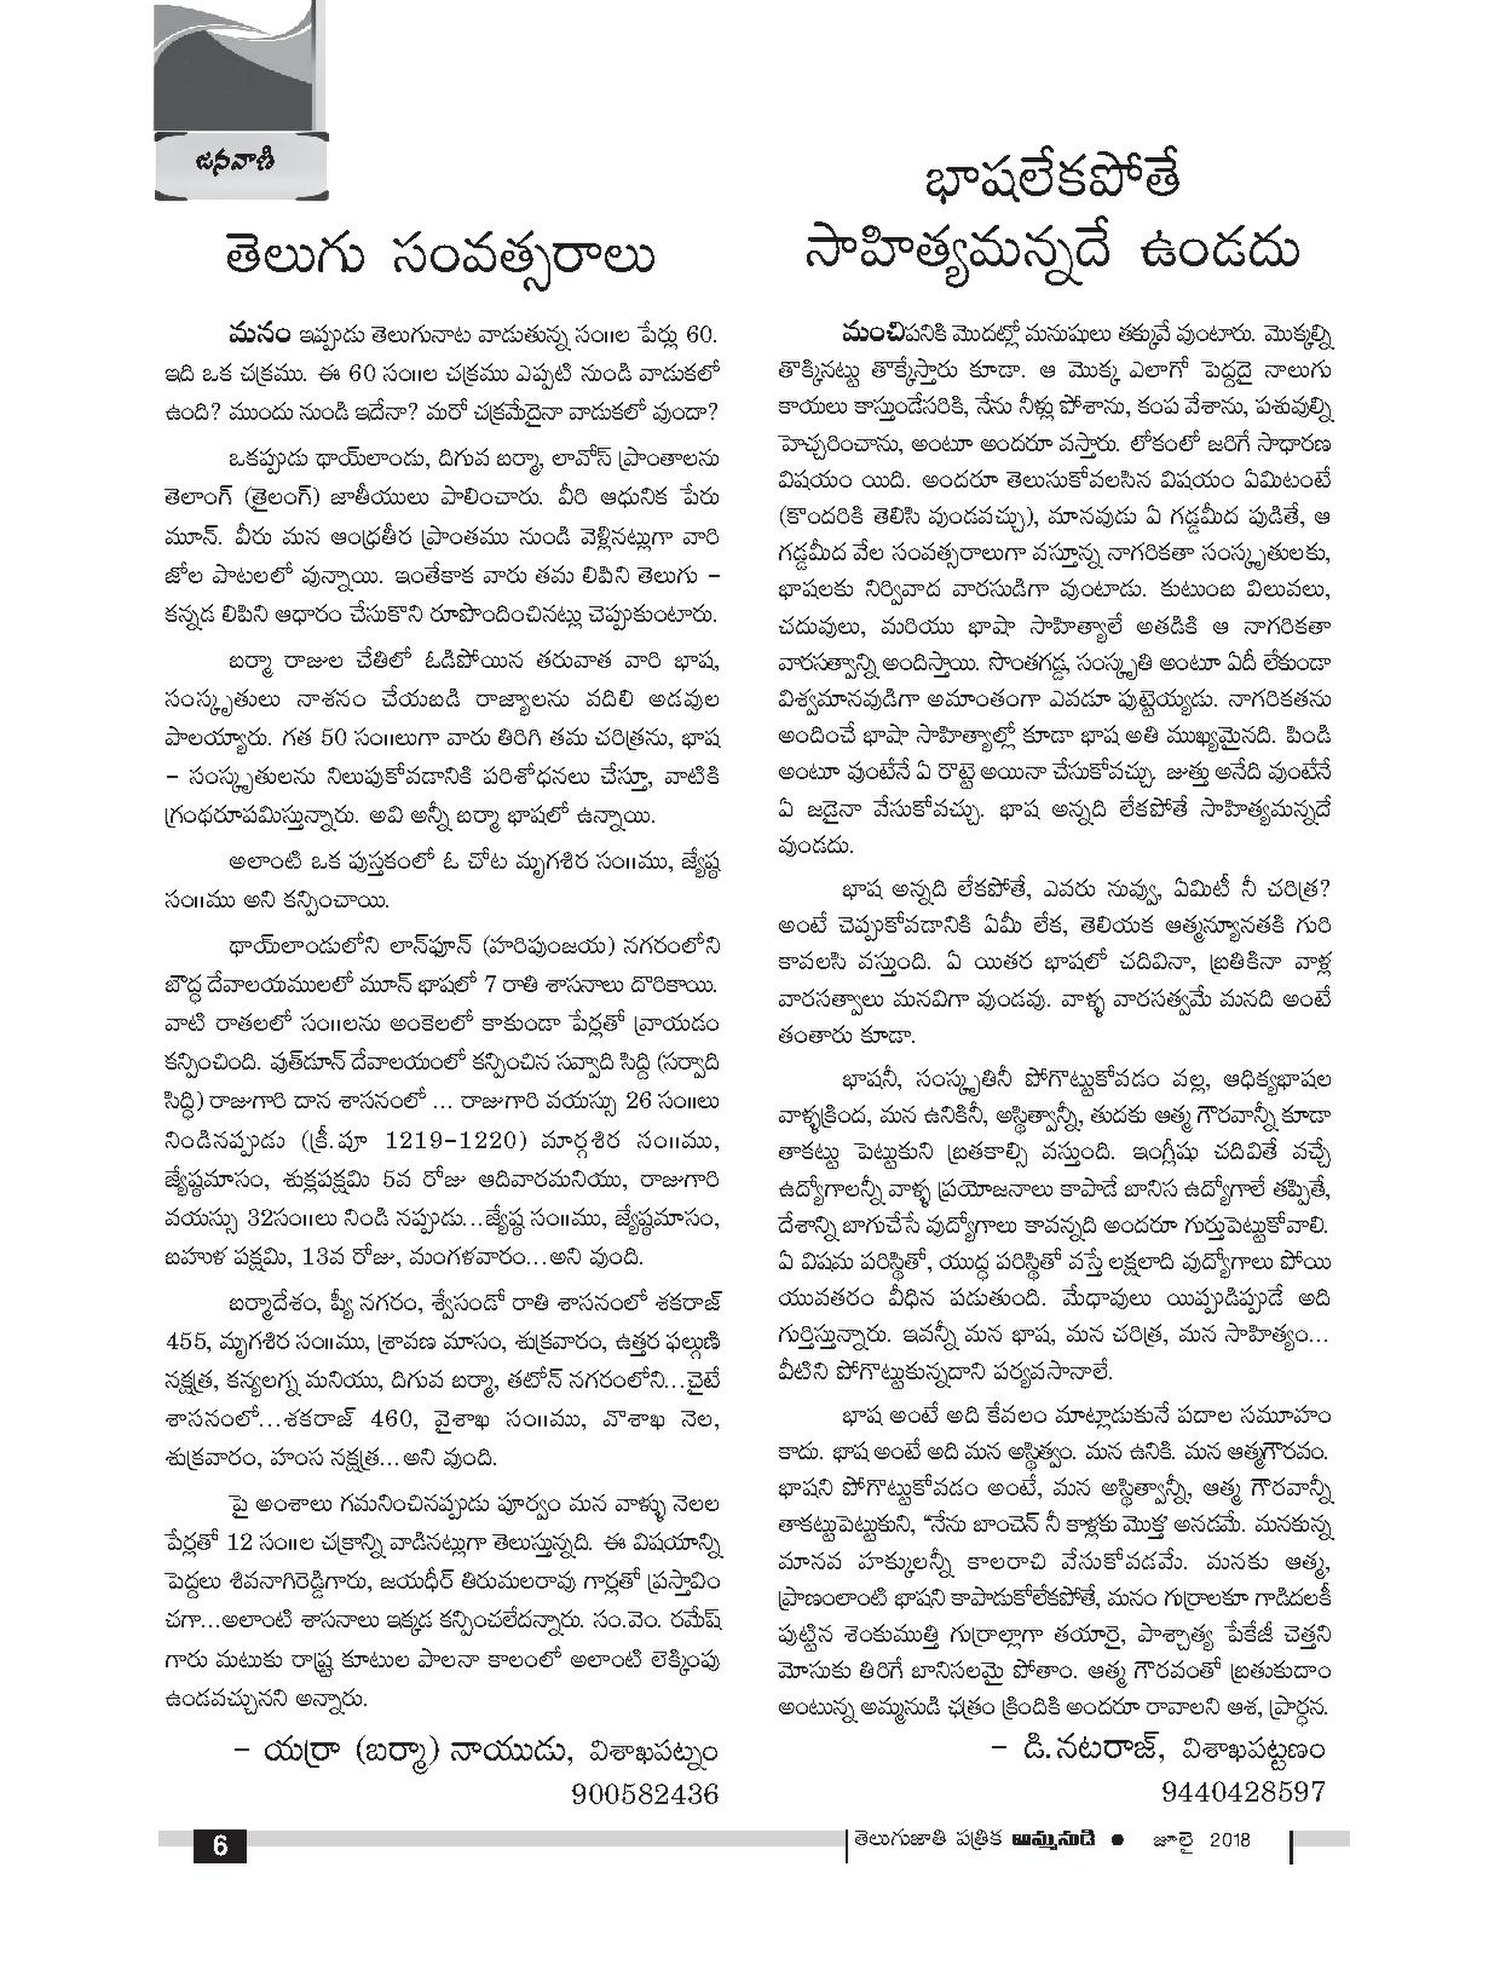తెలుగు సంవత్సరాలు

మనం ఇప్పుడు తెలుగునాట వాడుతున్న సం॥ల పేర్లు 60. ఇది ఒక చక్రము. ఈ 60 సం॥ల చక్రము ఎప్పటి నుండి వాడుకలో ఉంది? ముందు నుండి ఇదేనా? మరో చక్రమేదైనా వాడుకలో వుందా?

ఒకప్పుడు థాయ్‌లాండు, దిగువ బర్మా, లావోస్‌ ప్రాంతాలను తెలాంగ్‌ (తైలంగ్‌) జాతీయులు పాలించారు. వీరి ఆధునిక పేరు మూన్‌. వీరు మన ఆంధ్రతీర ప్రాంతము నుండి వెళ్లినట్లుగా వారి జోల పాటలలో వున్నాయి. ఇంతేకాక వారు తమ లిపిని తెలుగు - కన్నడ లిపిని ఆధారం చేసుకొని రూపొందించినట్లు చెప్పుకుంటారు.

బర్మా రాజుల చేతిలో ఓడిపోయిన తరువాత వారి భాష, సంస్కృతులు నాశనం చేయబడి రాజ్యాలను వదిలి అడవుల పాలయ్యారు. గత 50 సం॥లుగా వారు తిరిగి తమ చరిత్రను, భాష - సంస్కృతులను నిలుపుకోవడానికి పరిశోధనలు చేస్తూ, వాటికి గ్రంథరూపమిస్తున్నారు. అవి అన్నీ బర్మా భాషలో ఉన్నాయి.

అలాంటి ఒక పుస్తకంలో ఓ చోట మృగశిర సం॥ము, జ్యేష్ట సం॥ము అని కన్పించాయి.

థాయ్‌లాండులోని లాన్‌ఫూన్‌ (హరిపుంజయ) నగరంలోని బౌద్ధదేవాలయములలో మూన్‌ భాషలో 7 రాతి శాసనాలు దొరికాయి. వాటి రాతలలో సం॥లను అంకెలలో కాకుండా పేర్లతో వ్రాయడం
కన్పించింది. వుత్‌డూన్‌ దేవాలయంలో కన్పించిన సవ్వాది సిద్ది (సర్వాది సిద్ధి) రాజుగారి దాన శాసనంలో ... రాజుగారి వయస్సు 26 సం॥లు నిండినప్పుడు (క్రీ.పూ 1219 - 1220) మార్గశిర సం॥ము,
జ్యేష్ఠమాసం, శుక్లపక్షమి 5వ రోజు ఆదివారమనియు, రాజుగారి వయస్సు 32సం॥లు నిండి నప్పుడు... జ్యేష్ట సం॥ము, జ్యేష్టమాసం, బహుళ పక్షమి, 13వ రోజు, మంగళవారం...అని వుంది.

బర్మాదేశం, ప్యీ నగరం, శ్వేసండో రాతి శాసనంలో శకరాజ్‌ 455, మృగశిర సం॥ము, శ్రావణ మాసం, శుక్రవారం, ఉత్తర ఫల్గుణి నక్షత్ర, కన్యలగ్న మనియు, దిగువ బర్మా, తటోన్‌ నగరంలోని... చైటే
శాసనంలో...శకరాజ్‌ 460, వైశాఖ సం॥ము, వొశాఖ నెల, శుక్రవారం, హంస నక్షత్ర...అని వుంది.

పై అంశాలు గమనించినవ్చుడు పూర్వం మన వాళ్ళు నెలల పేర్లతో 12 సం॥ల చక్రాన్ని వాడినట్లుగా తెలుస్తున్నది. ఈ విషయాన్ని పెద్దలు శివనాగిరెడ్డిగారు, జయధీర్‌ తిరుమలరావు గార్లతో ప్రస్తావించగా... అలాంటి శాసనాలు ఇక్కడ కన్పించలేదన్నారు. సం.వెం. రమేష్‌ గారు మటుకు రాష్ట్ర కూటుల పాలనా కాలంలో అలాంటి లెక్కింపు ఉండవచ్చునని అన్నారు.

భాషలేకపోతే సాహిత్యమన్నదే ఉండదు

మంచిపనికి మొదట్లో మనుషులు తక్కువే వుంటారు. మొక్కల్ని తొక్కినట్టు తొక్కేస్తారు కూడా. ఆ మొక్క ఎలాగో పెద్దదై నాలుగు కాయలు కాస్తుండేసరికి, నేను నీళ్లు పోశాను, కంప వేశాను, పశువుల్ని
హెచ్చరించాను, అంటూ అందరూ వస్తారు. లోకంలో జరిగే సాధారణ విషయం యిది. అందరూ తెలుసుకోవలసిన విషయం ఏమిటంటే (కొందరికి తెలిసి వుండవచ్చు), మానవుడు ఏ గడ్డమీద పుడితే, ఆ గడ్డమీద వేల సంవత్సరాలుగా వస్తూన్న నాగరికతా సంస్కృతులకు, భాషలకు నిర్వివాద వారసుడిగా వుంటాడు. కుటుంబ విలువలు, చదువులు, మరియు భాషా సాహిత్యాలే అతడికి ఆ నాగరికతా వారసత్వాన్ని అందిస్తాయి. సొంతగడ్డ సంస్కృతి అంటూ ఏదీ లేకుండా విశ్వమానవుడిగా అమాంతంగా ఎవడూ పుట్టెయ్యడు. నాగరికతను అందించే భాషా సాహిత్యాల్లో కూడా భాష అతి ముఖ్యమైనది. పిండి అంటూ వుంటేనే ఏ రొట్టె అయినా చేసుకోవచ్చు. జుత్తు అనేది వుంటేనే ఏ జడైనా వేసుకోవచ్చు. భాష అన్నది లేకపోతే సాహిత్యమన్నదే వుండదు.

భాష అన్నది లేకపోతే, ఎవరు నువ్వు, ఏమిటీ నీ చరిత్ర? అంటే చెప్పుకోవడానికి ఏమీ లేక, తెలియక ఆత్మన్యూనతకి గురి కావలసి వస్తుంది. ఏ యితర భాషలో చదివినా, బ్రతికినా వాళ్ల వారసత్వాలు మనవిగా వుండవు. వాళ్ళ వారసత్వమే మనది అంటే తంతారు కూడా.

భాషనీ, సంస్కృతినీ పోగొట్టుకోవడం వల్ల, ఆధిక్యభాషల వాళ్ళక్రింద, మన ఉనికినీ, అస్థిత్వాన్నీ, తుదకు ఆత్మ గౌరవాన్నీ కూడా తాకట్టు పెట్టుకుని బ్రతకాల్సి వస్తుంది. ఇంగ్లీషు చదివితే వచ్చే, ఉద్యోగాలన్నీ వాళ్ళ ప్రయోజనాలు కాపాడే బానిస ఉద్యోగాలే తప్పితే, దేశాన్ని బాగుచేసే వుద్యోగాలు కావన్నది అందరూ గుర్తుపెట్టుకోవాలి. ఏ విషమ పరిస్థితో, యుద్ధ పరిస్థితో వస్తే లక్షలాది వుద్యోగాలు పోయి
యువతరం వీధిన పడుతుంది. మేధావులు యిప్పుడిప్పుడే అది గుర్తిస్తున్నారు. ఇవన్నీ మన భాష, మన చరిత్ర, మన సాహిత్యం... వీటిని పోగొట్టుకున్నదాని పర్యవసానాలే.

భాష అంటే అది కేవలం మాట్లాడుకునే పదాల సమూహం కాదు. భాష అంటే అది మన అస్థిత్వం. మన ఉనికి మన ఆత్మగౌరవం. భాషని పోగొట్టుకోవడం అంటే, మన అస్థిత్వాన్నీ, ఆత్మ గౌరవాన్నీ
తాకట్టుపెట్టుకుని, “నేను బాంచెన్‌ నీ కాళ్లకు మొక్త' అనడమే. మనకున్న మానవ హక్ములన్నీ కాలరాచి వేనుకోవడమే. మనకు ఆత్మ ప్రాణంలాంటి భాషని కాపాడుకోలేకపోతే, మనం గుర్రాలకూ గాడిదలకీ
పుట్టిన శెంకుముత్తి గుర్రాల్లాగా తయారై, పాశ్చాత్య పేకేజీ చెత్తని మోసుకు తిరిగే బానిసలమై పోతాం. ఆత్మ గౌరవంతో బ్రతుకుదాం అంటున్న అమ్మనుడి ఛత్రం క్రిందికి అందరూ రావాలని ఆశ, ప్రార్ధన.